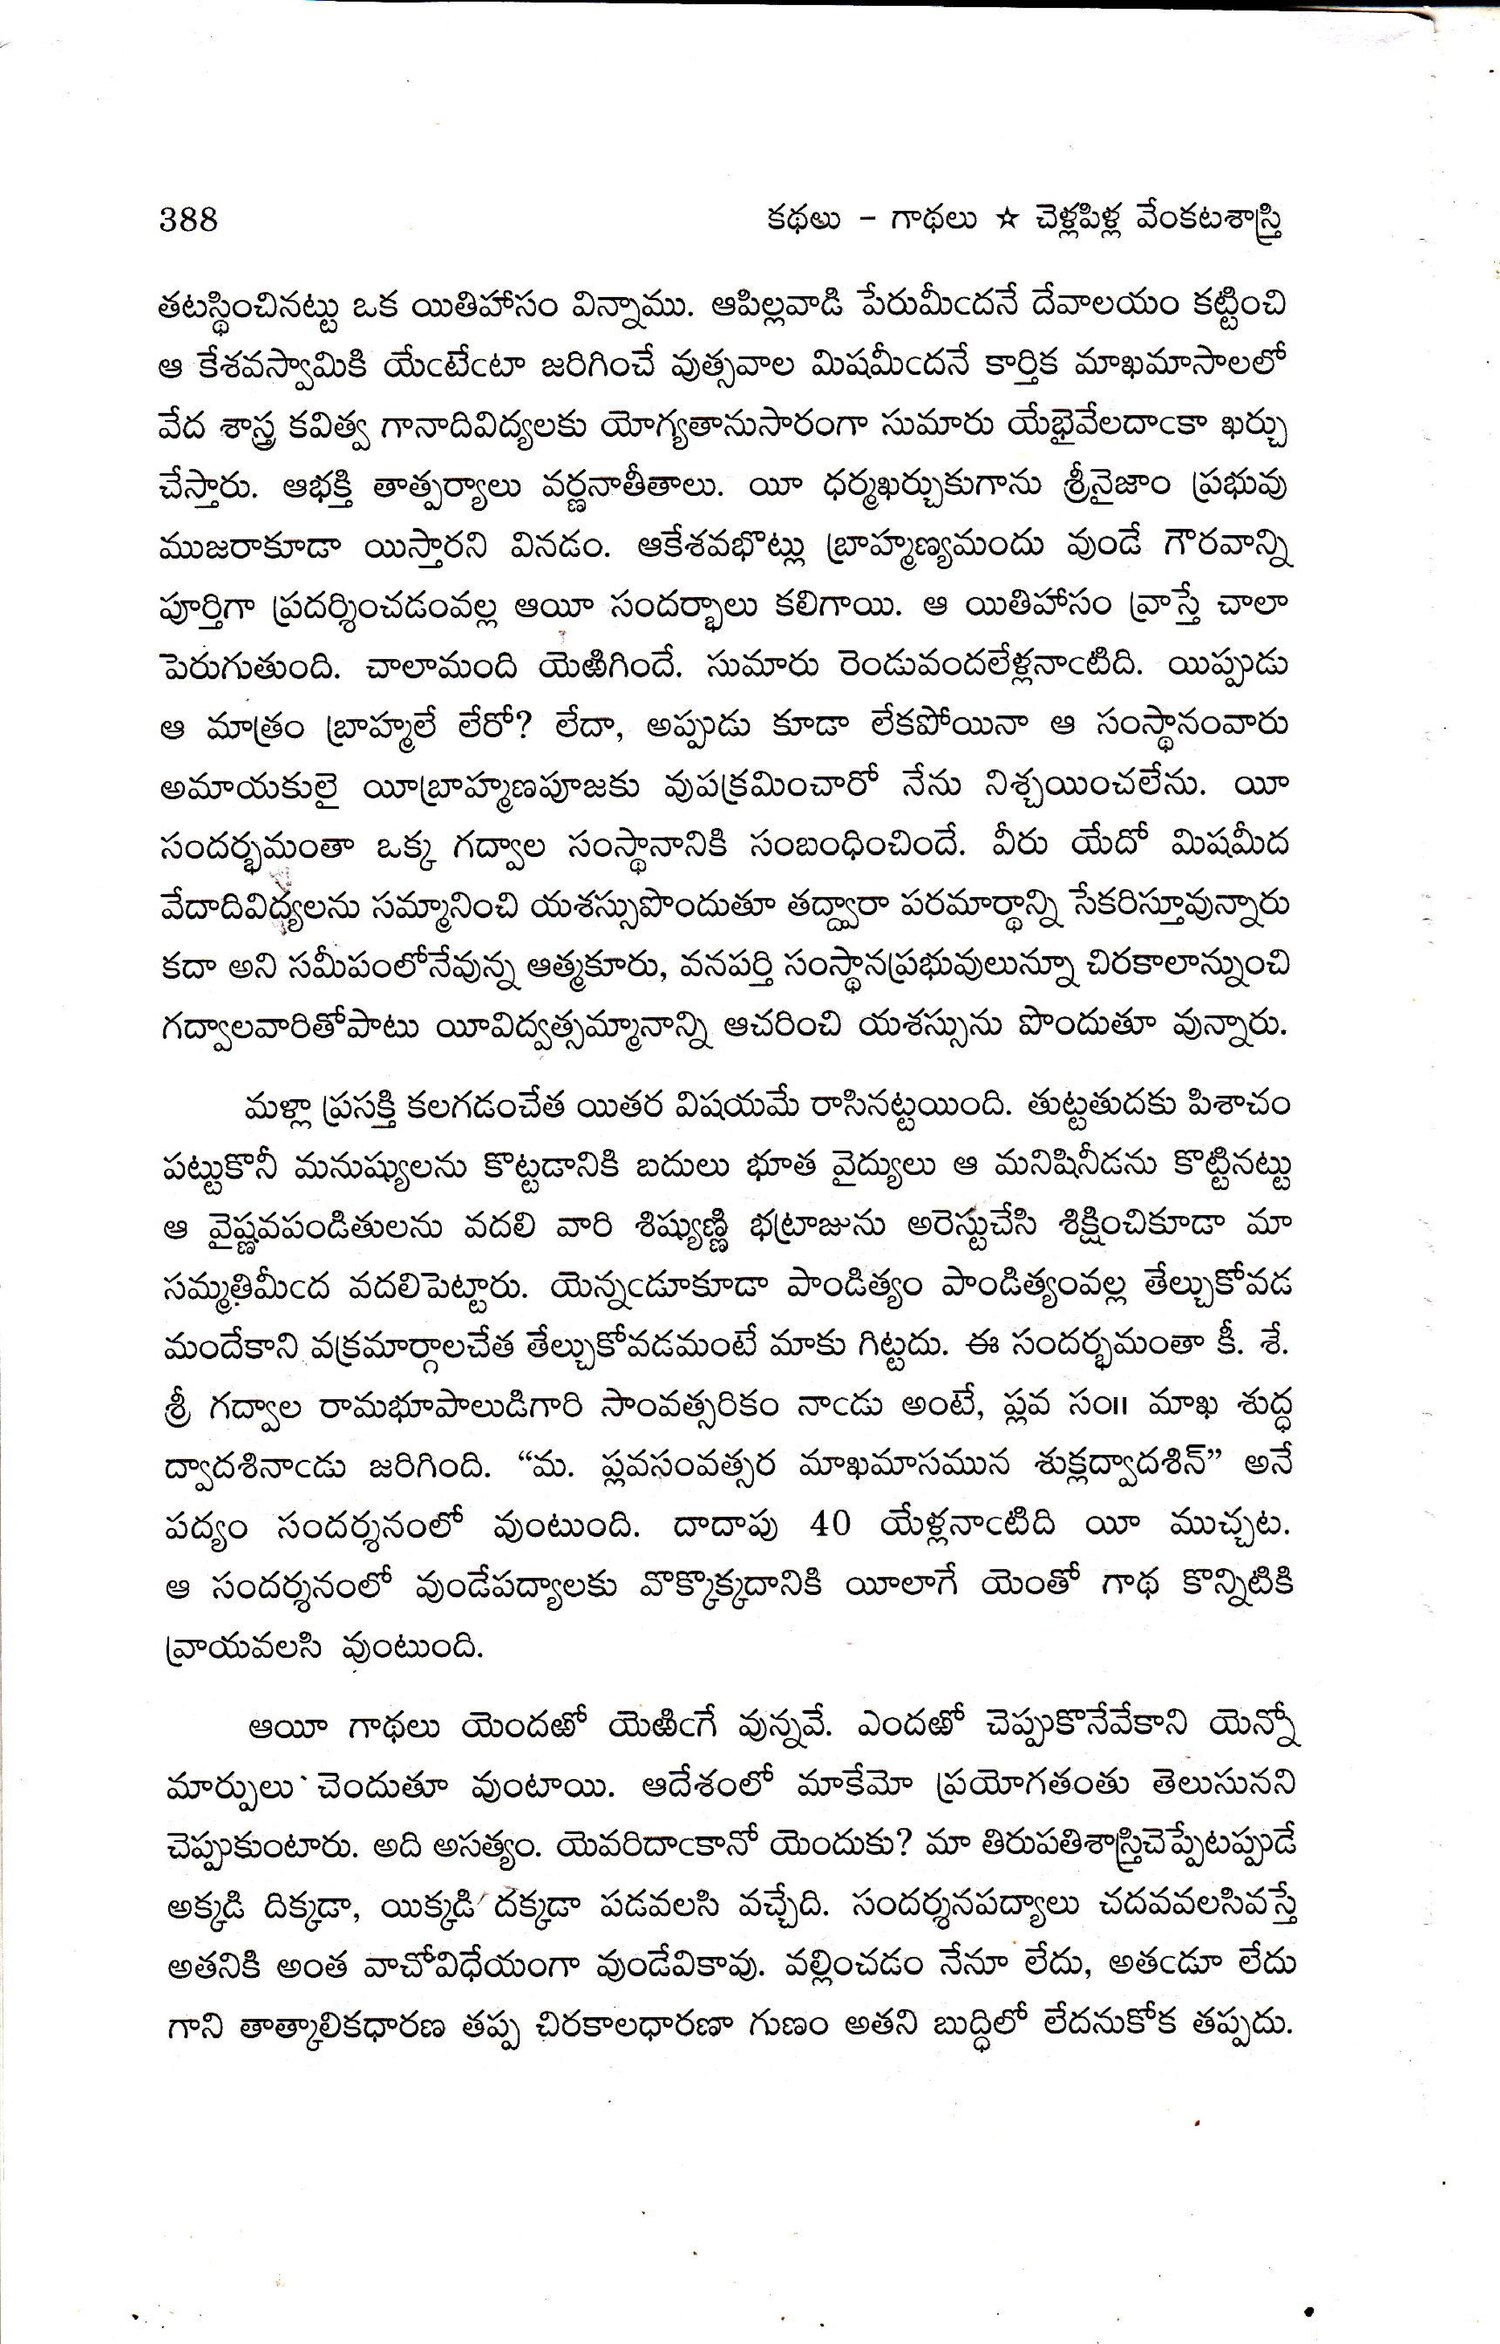తటస్థించినట్టు ఒక యితిహాసం విన్నాము. ఆపిల్లవాడి పేరుమీఁదనే దేవాలయం కట్టించి ఆ కేశవస్వామికి యేఁటేఁటా జరిగించే వుత్సవాల మిషమీఁదనే కార్తిక మాఖమాసాలలో వేద శాస్త్ర కవిత్వ గానాదివిద్యలకు యోగ్యతానుసారంగా సుమారు యేభైవేలదాఁకా ఖర్చు చేస్తారు. ఆభక్తి తాత్పర్యాలు వర్ణనాతీతాలు. యీ ధర్మఖర్చుకుగాను శ్రీనైజాం ప్రభువు ముజరాకూడా యిస్తారని వినడం. ఆకేశవభొట్లు బ్రాహ్మణ్యమందు వుండే గౌరవాన్ని పూర్తిగా ప్రదర్శించడంవల్ల ఆయీ సందర్భాలు కలిగాయి. ఆ యితిహాసం వ్రాస్తే చాలా పెరుగుతుంది. చాలామంది యెఱిగిందే. సుమారు రెండువందలేళ్లనాఁటిది. యిప్పుడు ఆ మాత్రం బ్రాహ్మలే లేరో? లేదా, అప్పుడు కూడా లేకపోయినా ఆ సంస్థానంవారు అమాయకులై యీబ్రాహ్మణపూజకు వుపక్రమించారో నేను నిశ్చయించలేను. యీ సందర్భమంతా ఒక్క గద్వాల సంస్థానానికి సంబంధించిందే. వీరు యేదో మిషమీద వేదాదివిద్యలను సమ్మానించి యశస్సుపొందుతూ తద్ద్వారా పరమార్ధాన్ని సేకరిస్తూవున్నారు కదా అని సమీపంలోనేవున్న ఆత్మకూరు, వనపర్తి సంస్థానప్రభువులున్నూ చిరకాలాన్నుంచి గద్వాలవారితోపాటు యీవిద్వత్సమ్మానాన్ని ఆచరించి యశస్సును పొందుతూ వున్నారు.

మళ్లా ప్రసక్తి కలగడంచేత యితర విషయమే రాసినట్టయింది. తుట్టతుదకు పిశాచం పట్టుకొనీ మనుష్యులను కొట్టడానికి బదులు భూత వైద్యులు ఆ మనిషినీడను కొట్టినట్టు ఆ వైష్ణవపండితులను వదలి వారి శిష్యుణ్ణి భట్రాజును అరెస్టుచేసి శిక్షించికూడా మా సమ్మతిమీఁద వదలిపెట్టారు. యెన్నఁడూకూడా పాండిత్యం పాండిత్యంవల్ల తేల్చుకోవడ మందేకాని వక్రమార్గాలచేత తేల్చుకోవడమంటే మాకు గిట్టదు. ఈ సందర్భమంతా కీ. శే. శ్రీ గద్వాల రామభూపాలుడిగారి సాంవత్సరికం నాఁడు అంటే, ప్లవ సం|| మాఖ శుద్ధ ద్వాదశినాఁడు జరిగింది. “మ. ప్లవసంవత్సర మాఖమాసమున శుక్లద్వాదశిన్" అనే పద్యం సందర్శనంలో వుంటుంది. దాదాపు 40 యేళ్లనాcటిది యీ ముచ్చట. ఆ సందర్శనంలో వుండేపద్యాలకు వొక్కొక్కదానికి యీలాగే యెంతో గాథ కొన్నిటికి వ్రాయవలసి వుంటుంది.

ఆయీ గాథలు యెందఱో యెఱిఁగే వున్నవే. ఎందఱో చెప్పుకొనేవేకాని యెన్నో మార్పులు చెందుతూ వుంటాయి. ఆదేశంలో మాకేమో ప్రయోగతంతు తెలుసునని చెప్పుకుంటారు. అది అసత్యం. యెవరిదాఁకానో యెందుకు? మా తిరుపతిశాస్త్రిచెప్పేటప్పుడే అక్కడి దిక్కడా, యిక్కడి దక్కడా పడవలసి వచ్చేది. సందర్శనపద్యాలు చదవవలసివస్తే అతనికి అంత వాచోవిధేయంగా వుండేవికావు. వల్లించడం నేనూ లేదు, అతఁడూ లేదు గాని తాత్కాలికధారణ తప్ప చిరకాలధారణా గుణం అతని బుద్ధిలో లేదనుకోక తప్పదు.